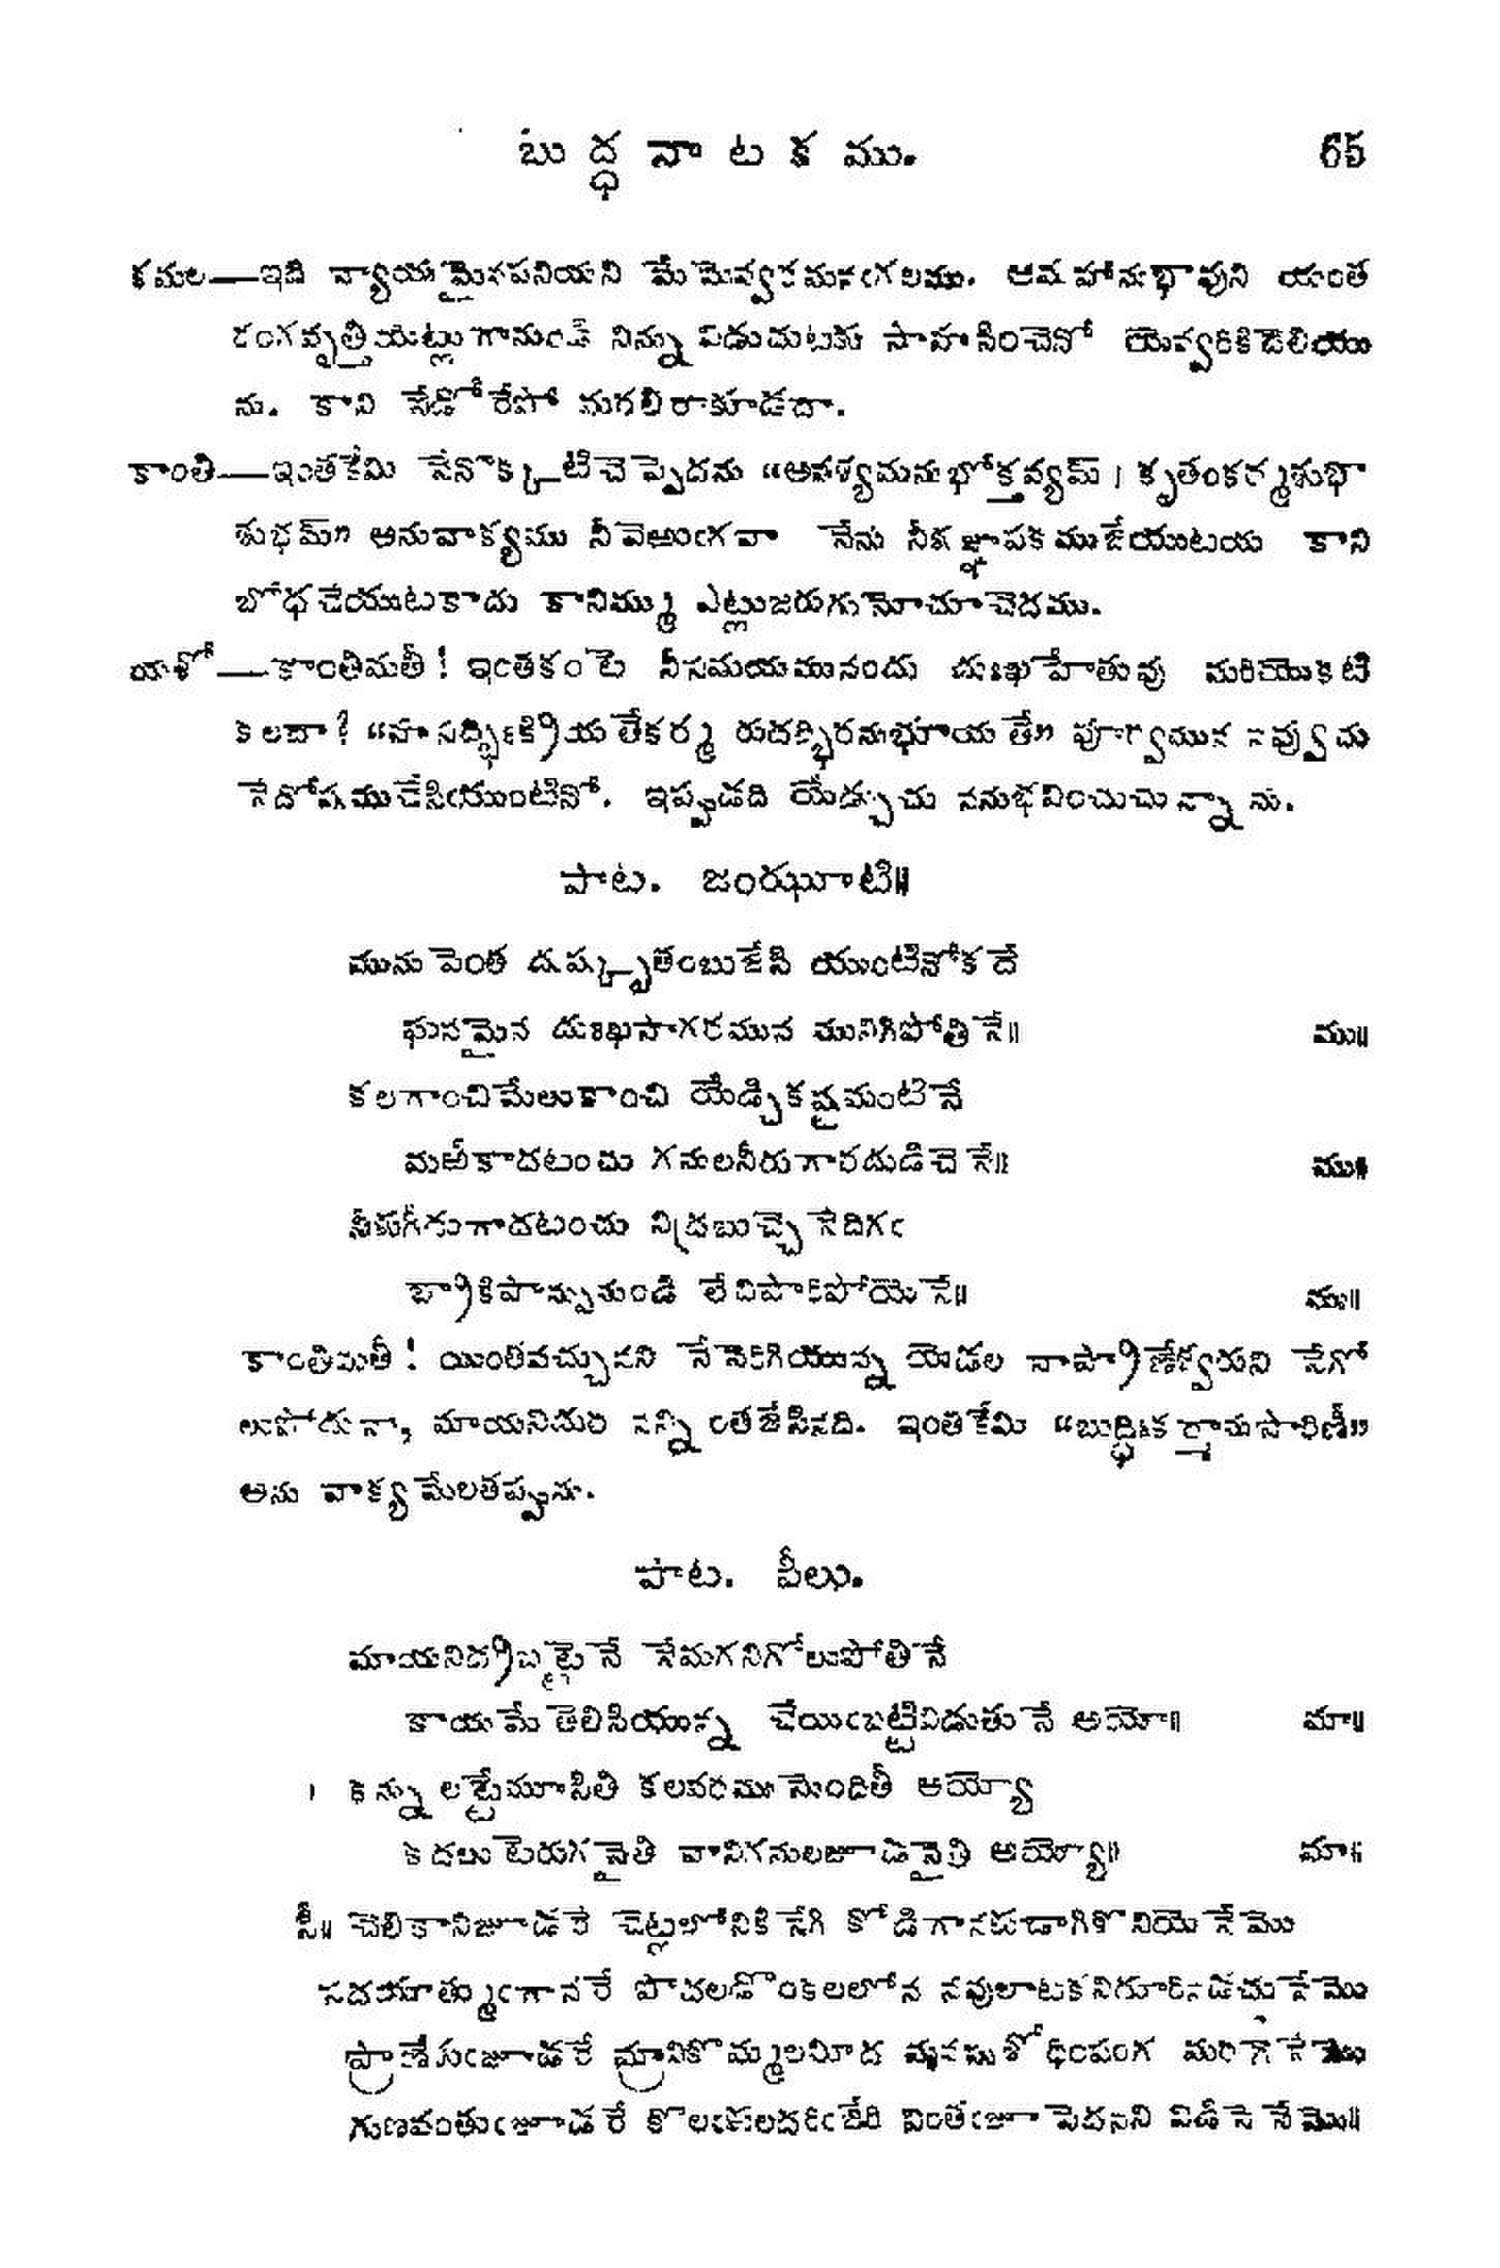కమల — ఇది న్యాయమైనపనియని మేమెవ్వరమనగలము. ఆమహానుభావుని యంత రంగవృత్తి జుట్లు గానుండి నిన్ను 
విడుచుటకు సాహసించెనో యెవ్వరికి దెలియును. కాని నేడోరేపో మరలిరాకూడదా.

కాంతి — ఇంతకేమి నేనొక్కటి చెప్పెదను "అవశ్యమనుభోక్తవ్యమ్| కృతంకర్మశుభాశుభమ్" అనువాక్యము నీ వెఱుఁగవా 
నేను నీకుజ్ఞాపకము జేయుటయ కాని బోధచేయుటకాదు కానిమ్ము ఎట్లుజరుగుచూచెదము.

యశో - కాంతిమతీ! ఇంతకంటె నీసమయమునందు దుఃఖహేతువు మరియొకటి కెలదా? “హసద్భి:క్రియతేకర్మ 
రుదర్భిరనుభూయతే" పూర్వమున నవ్వుచు నేదోషముచేసియుంటినో. ఇప్పుడది యేడ్చుచు మనుభవించుచున్నాను.

మునుపెంత దష్కృతంబుజేసి యుంటినోకదే
ఘనమైన దుఃఖసాగరమున మునిగిపోతినే॥ ॥ము॥ 
కలగాంచిమేలుకొంచి యేడ్చి కష్టమంటినే
మఱికాదటంచు గనులనీరుగారదుడిచెనే॥ ॥ము॥ 
నీకుగీరుగాదటంచు నిద్రబుచ్చె నేదిగఁ
బ్రాకిపాన్పునుండి లేనిపాకిపోయెనే॥ ॥ము॥  

కాంతిమతీ! యింతవచ్చునని నేనెరిగియున్నయెడల నా ప్రాణేశ్వరుని సేగోలుపోరుగా, మాయనిదుర నన్నింతజేసినది. 
ఇంతకేమి “బుద్ధి:కర్మానుసారిణీ" అను వాక్యమేలతప్పును.

మాయనిద్రబట్టెనే నేమగనిగోలుపోతినే
కాయమే తెలిసియున్న చేయిఁబట్టినిడుతునే అయో! ॥మా॥ 
కన్నులట్టేమూసితి కలవరముమెందితీ ఆయ్యో
కదలుటెరుగనైతి వానిగనులజూడనైతి ఆయ్యో॥ ॥మా॥ 

నీ॥ చెలికానిజూడరే చెట్లలోనికినేగి కోడిగానకుపడాగికొనియెనేమొ 
సదయాత్ముఁగానరే పొదలడొంకలలోన నవులాటకనిగూరినడచునేమొ
ప్రాణేశుఁజూడరే మ్రానికొమ్మలమీద మనసుశోధింపంగ మరిగెనేమొ 
గుణవంతుఁజూడరే కొలంలఁకులదరింజేరి వింతఁజూపెదనని విడిసెనేమొ॥